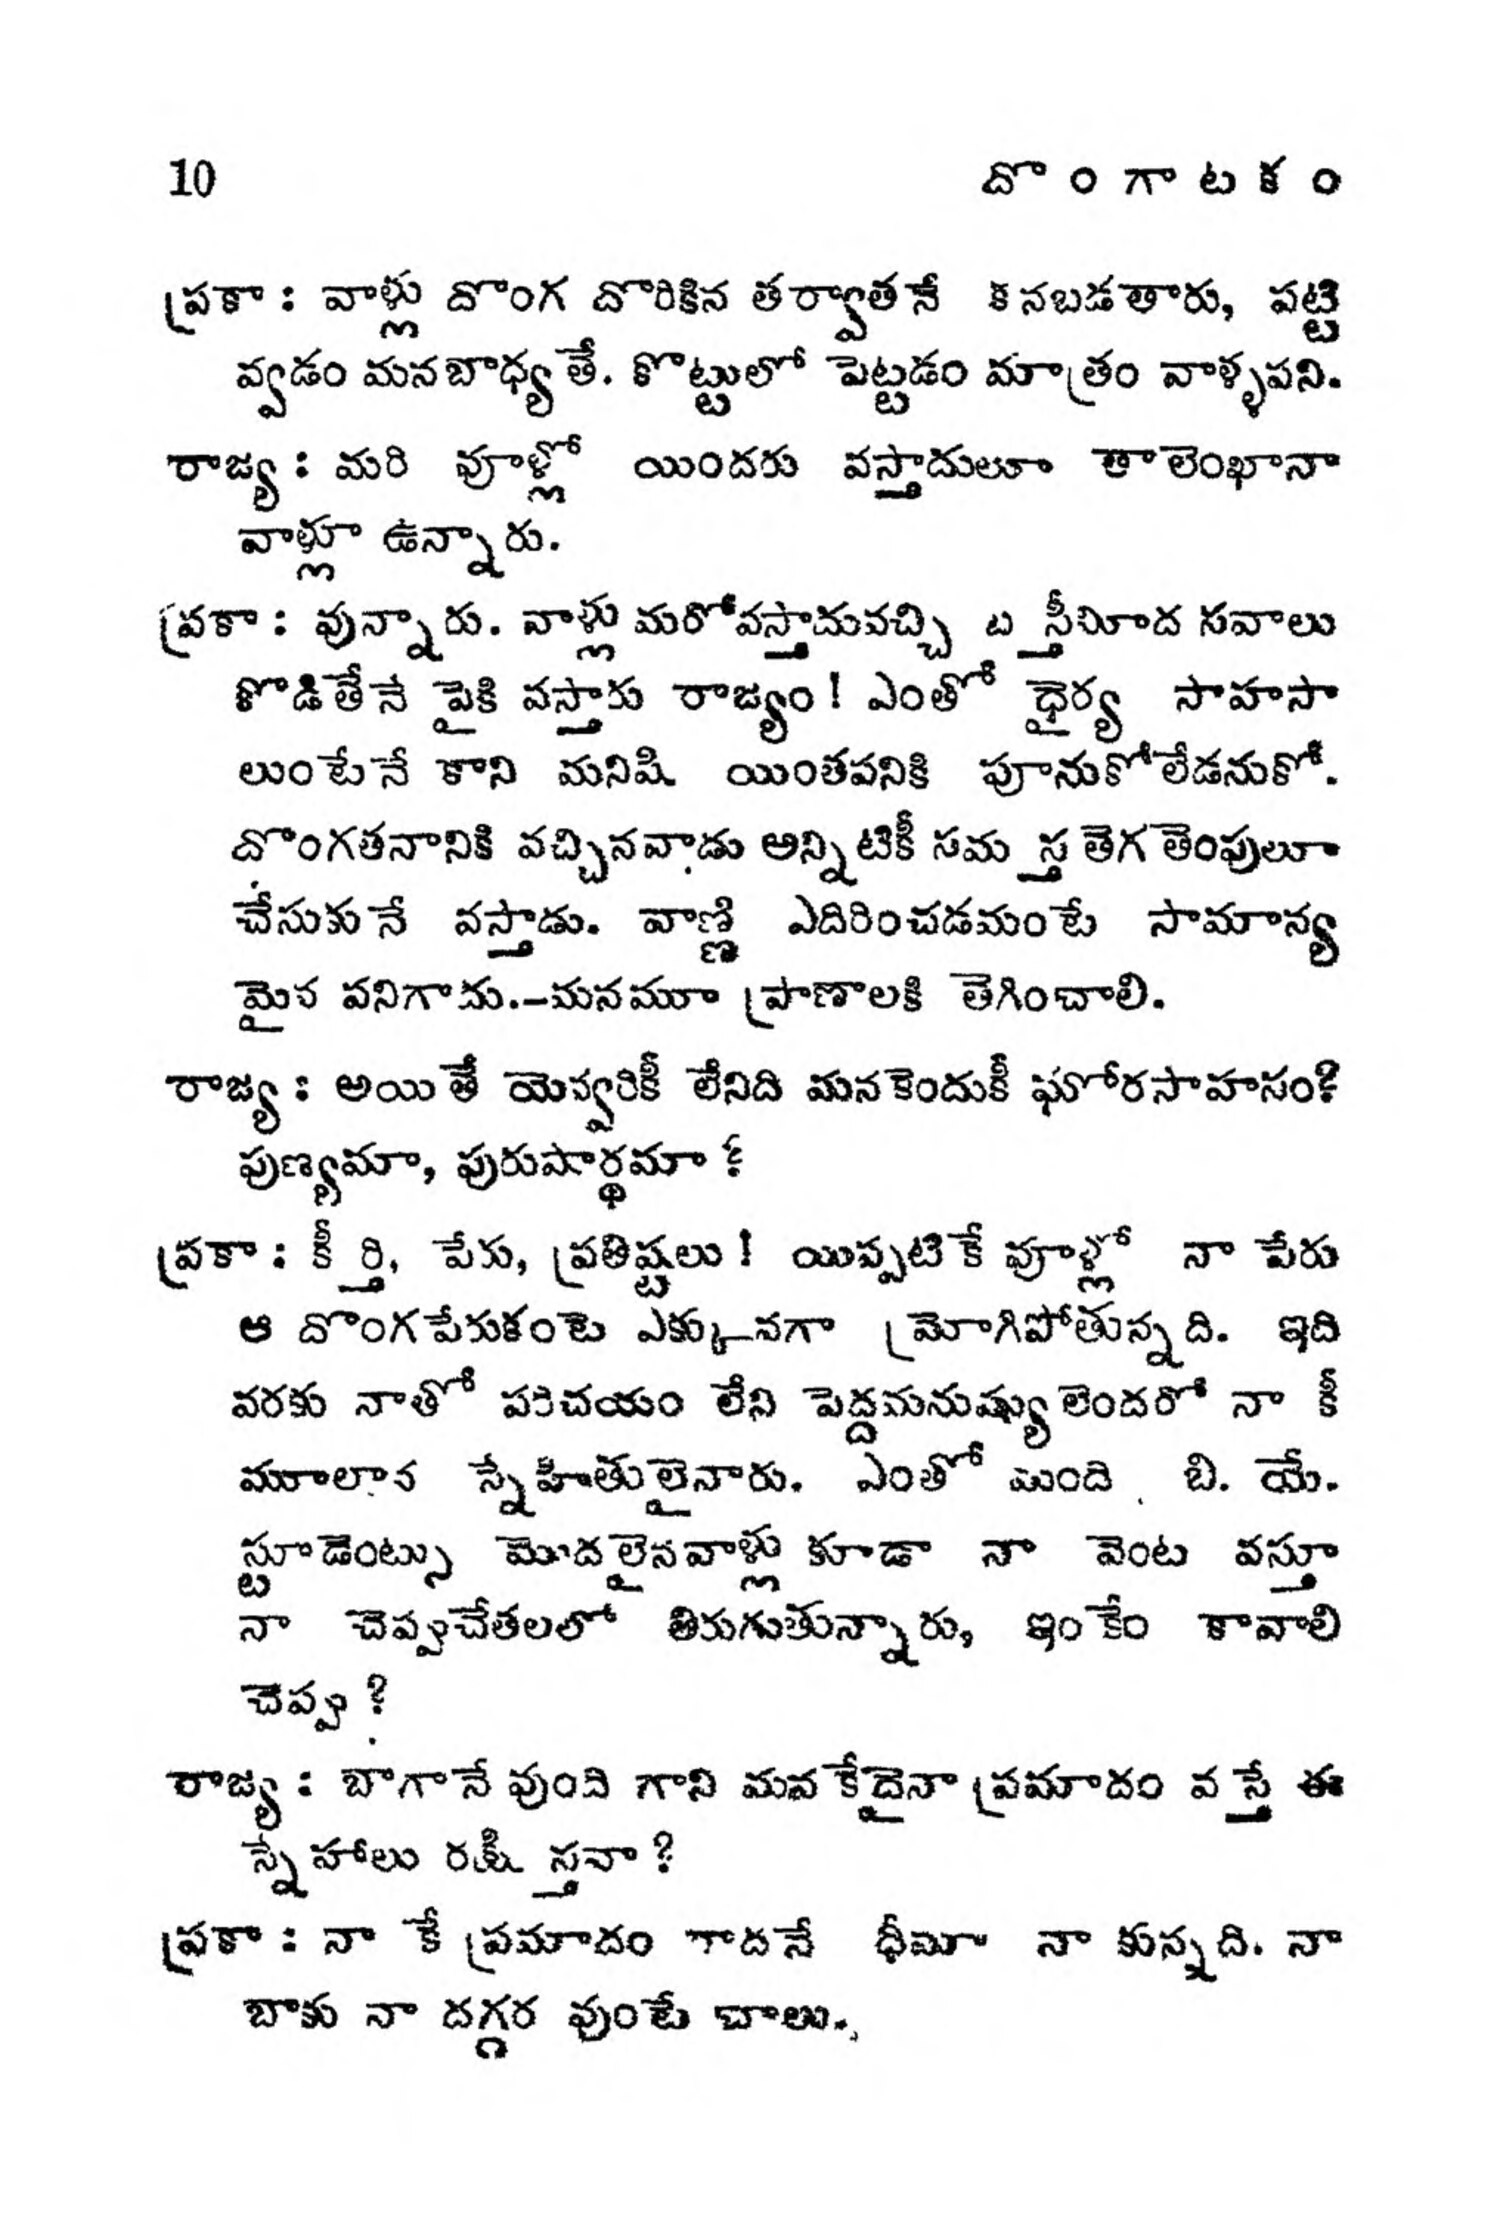ప్రకా : వాళ్లు దొంగ దొరికిన తర్వాతనే కనబడతారు, పట్టివ్వడం మనబాధ్యతే. కొట్టులో పెట్టడం మాత్రం వాళ్ళపని.

రాజ్య : మరి వూళ్లో యిందరు వస్తాదులూ తాలెంఖానా వాళ్లూ ఉన్నారు.

ప్రకా : వున్నారు. వాళ్లు మరోవస్తాదువచ్చి బస్తీనిూద సవాలు కొడితేనే పైకి వస్తారు రాజ్యం! ఎంతో ధైర్య సాహసాలుంటేనే కాని మనిషి యింతపనికి పూనుకోలేడనుకో. దొంగతనానికి వచ్చినవాడు అన్నిటికీ సమస్త తెగతెంపులూ చేసుకునే వస్తాడు. వాణ్ణి ఎదిరించడమంటే సామాన్యమైన పనిగాదు. - మనమూ ప్రాణాలకి తెగించాలి.

రాజ్య : అయితే యెవ్వరికీ లేనిది మనకెందుకీ ఘోరసాహసం? పుణ్యమా, పురుషార్థమా ?

ప్రకా : కీర్తి, పేరు, ప్రతిష్టలు ! యిప్పటికే వూళ్లో నా పేరు ఆ దొంగపేరుకంటె ఎక్కువగా మ్రోగిపోతున్నది. ఇది వరకు నాతో పరిచయం లేని పెద్దమనుష్యులెందరో నా కీ మూలాన స్నేహితులైనారు. ఎంతో మంది బి. యే. స్టూడెంట్సు మొదలైనవాళ్లు కూడా నా వెంట వస్తూ నా చెప్పుచేతలలో తిరుగుతున్నారు, ఇంకేం కావాలి చెప్పు ?

రాజ్య : బాగానే వుంది గాని మనకేదైనా ప్రమాదం వస్తే ఈ స్నేహాలు రక్షిస్తవా?

ప్రకా : నా కే ప్రమాదం రాదనే ధీమా నా కున్నది. నా బాకు నా దగ్గర వుంటే చాలు.